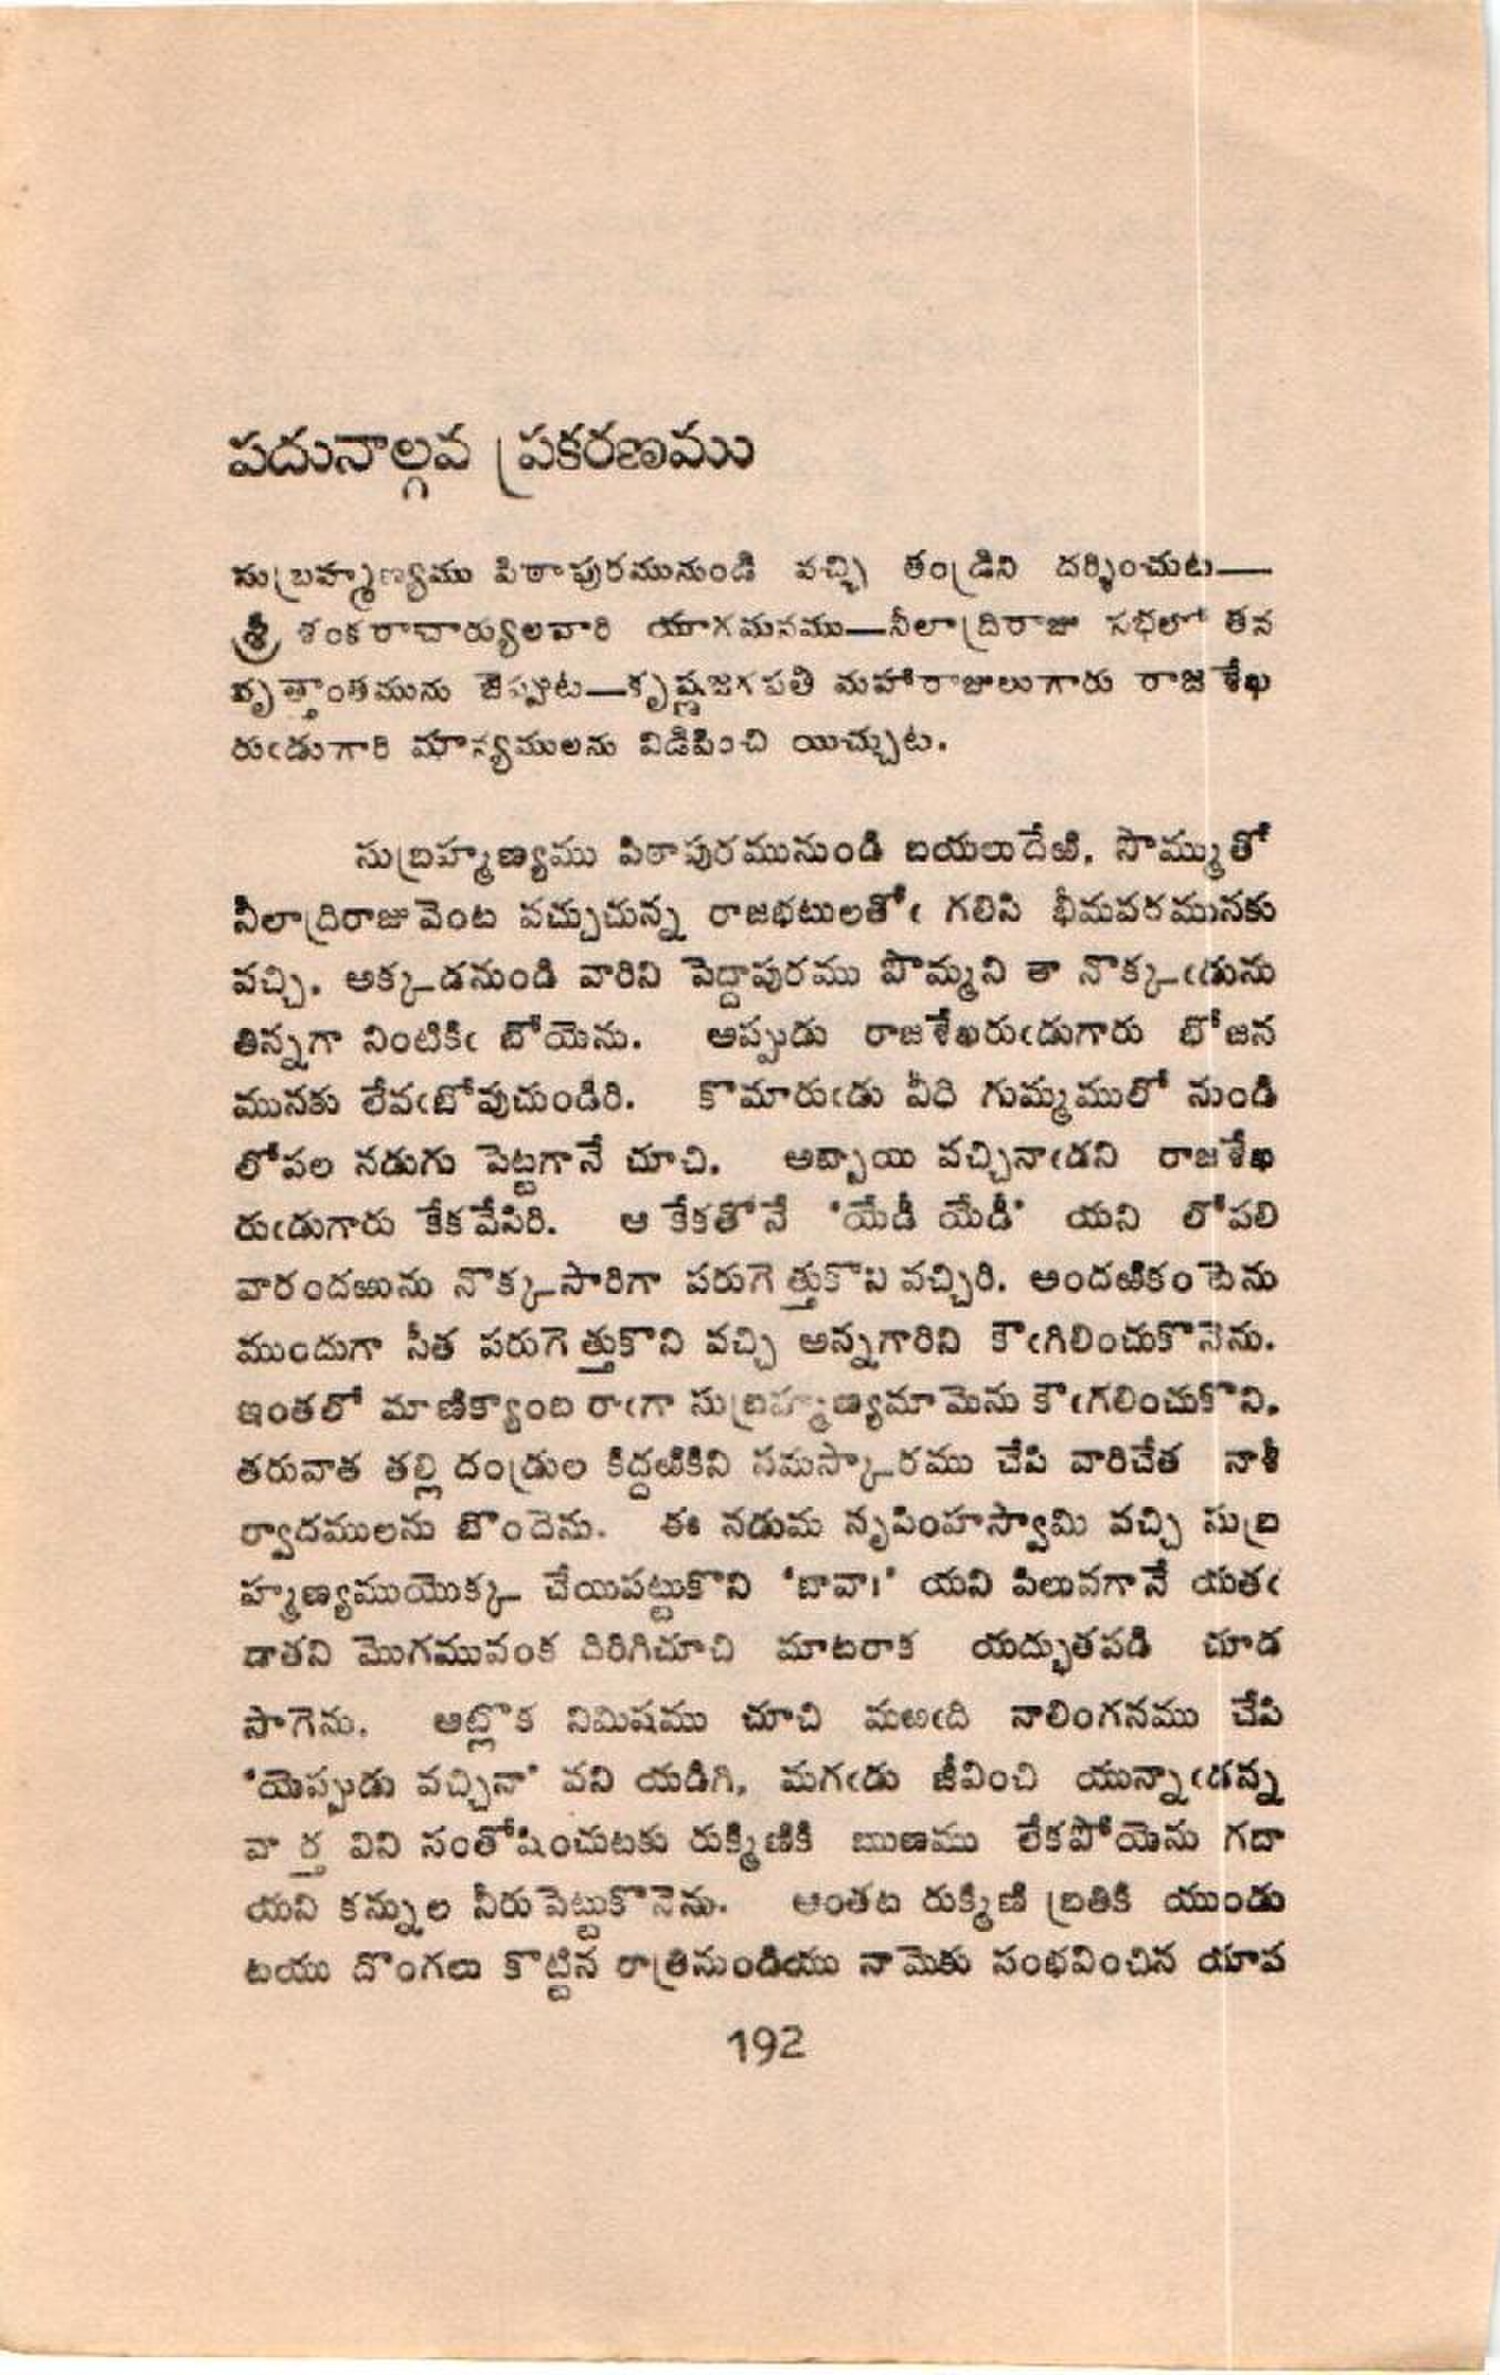పదునాల్గవ ప్రకరణము

సుబ్రహ్మణ్యము పిఠాపురమునుండి బయలుదేఱి, సొమ్ముతో నీలాద్రిరాజువెంట వచ్చుచున్న రాజభటులతోఁ గలిసి భీమవరమునకు వచ్చి, అక్కడనుండి వారిని పెద్దాపురము పొమ్మని తా నొక్కఁడును తిన్నగా నింటికిఁ బోయెను. అప్పుడు రాజశేఖరుడుగారు భోజనమునకు లేవఁబోవుచుండిరి, కొమారుడు వీధి గుమ్మములో నుండి లోపల నడుగు పెట్టగానే చూచి, అబ్బాయి వచ్చినాడని రాజశేఖరుడు గారు కేకవేపిరి. ఆ కేకతోనే "యేడీ యేడీ" యని లోపలి వారందఱును నొక్కసారిగా పరుగెత్తుకొని వచ్చిరి. ఆందఱి కంటెను ముందుగా సీత పరుగెత్తుకొని వచ్చి అన్నగారిని కౌగిలించుకొనెను. ఇంతలో మాణిక్యాంబ రాగా సుబ్రహ్మణ్యమామెను కౌగలించుకొని, తరువాత తల్లిదండ్రుల కిద్దఱికిని నమస్కారము చేసి వారిచేత నాశీ ర్వాదములను బొందెను. ఈ నడుమ నృసింహస్వామి వచ్చి సుబ్రహ్మణ్యము యొక్క చేయిపట్టుకొని "బావా!" 
యని పిలువగానే యతడాతని మొగమువంక దిరిగిచూచి మాటరాక యద్భుతపడి చూడ సాగెను. అట్లొక నిమిషము చూచి మఱఁది నాలింగనము చేసి 'యెప్పుడు వచ్చినా' వని యడిగి, మగడు జీవించి యున్నాడన్న వార్త విని సంతోషించుటకు రుక్మిణికి ఋణము లేకపోయెను గదా యని కన్నుల నీరు పెట్టుకొనెను. ఆంతట రుక్మిణి బ్రతికి యుండుటయు దొంగలు కొట్టిన రాత్రి 
నుండియు నామెకు సంభవించిన యాప